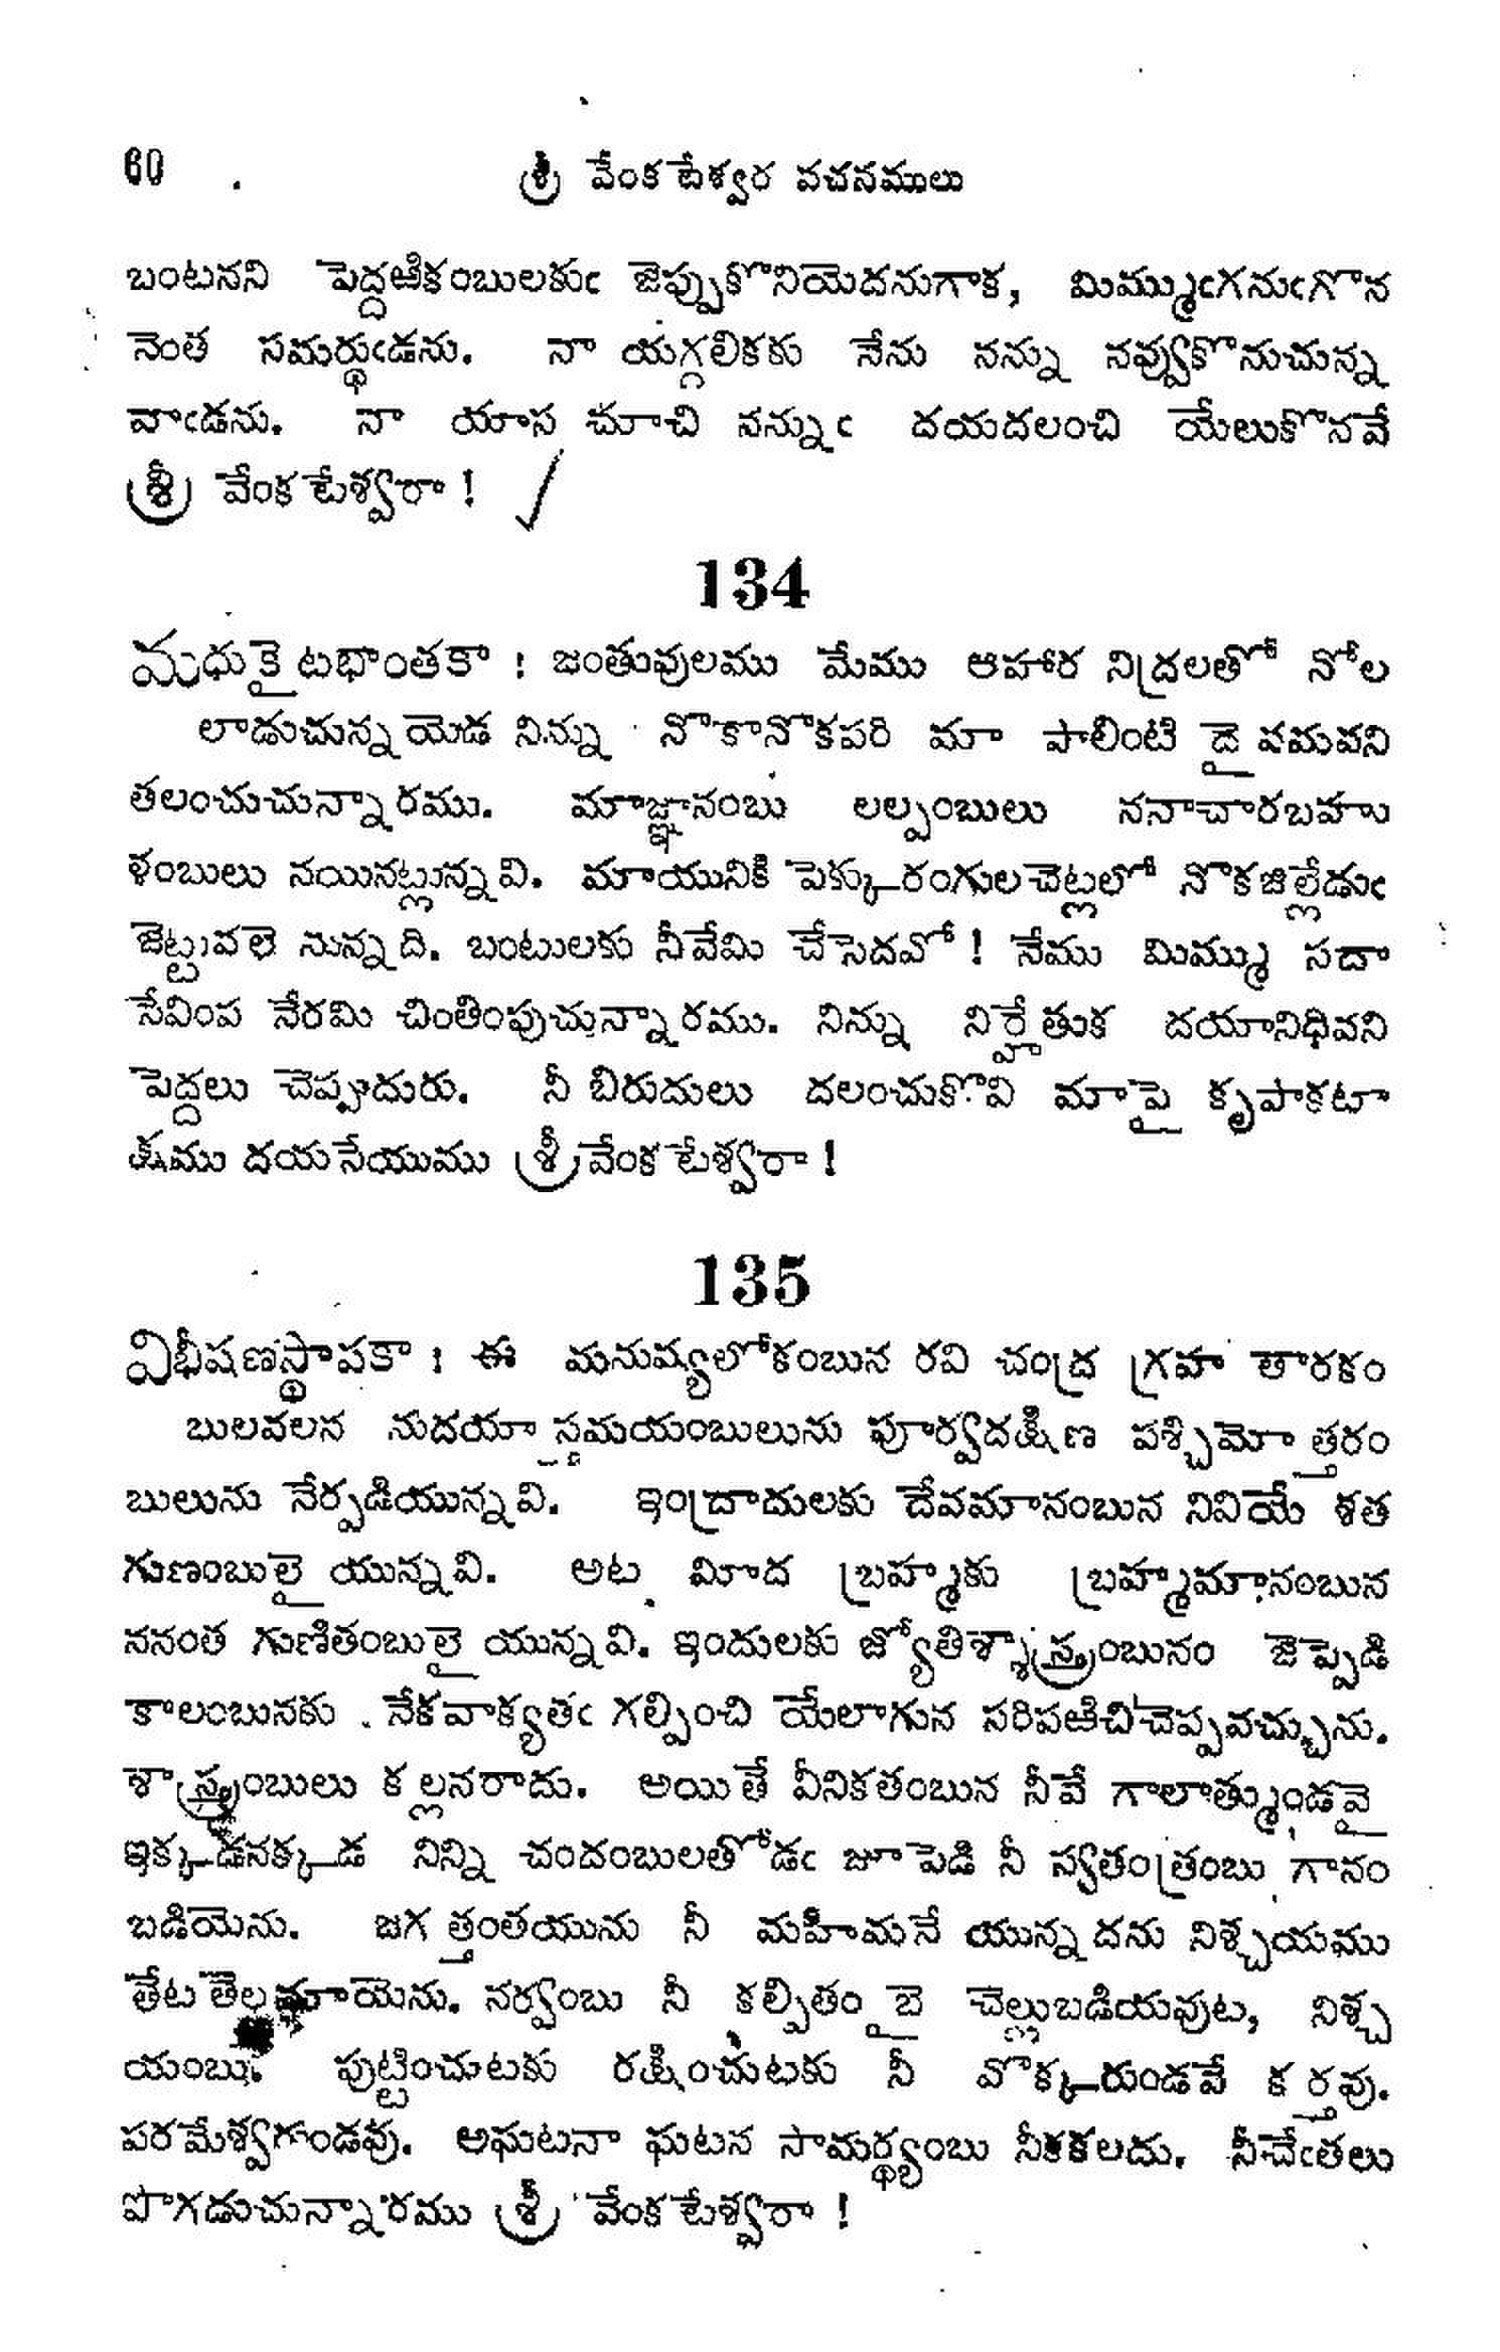శ్రీ వేంకటేశ్వర వచనములు 
బంటనని పెద్దఱికంబులకుఁ జెప్పుకొనియెదనుగాక, మిమ్ముఁగనుఁగొన నెంత సమర్ధుఁడను. నా యగ్గలికకు నేను నన్ను నవ్వుకొనుచున్న వాడను. నా యాస చూచి నన్నుఁ దయదలంచి యేలుకొనవే శ్రీ వేంకటేశ్వరా ! 

134 

 ! జంతువులము మేము ఆహార నిద్రలతో నోల
లాడుచున్న యెడ నీన్ను నొకానొకపరి మా పాలింటి దైవమవని తలంచుచున్నారము. మాజ్ఞూనంబు లల్పంబులు ననాచారబహు ళంబులు నయినట్లున్నవి. మాయునికి పెక్కు రంగుల చెట్లలో నొక జిల్లేడు జెట్టువలె నున్నది. బంటులకు నీవేమి చేసెదవో ! నేము మిమ్ము సదా సేవింప 'నేరమి చింతింపుచున్నారము. నిన్ను నిర్హేతుక దయానిధివని పెద్దలు చెప్పుదురు. నీ బిరుదులు దలంచుకొని మాపై కృపాకటా క్షము దయసేయుము శ్రీ వేంక టేశ్వరా !

135 

 ! ఈ మనుష్యలోకంబున రవి చంద్ర గ్రహ తారకంబులవలన నుదయా స్తమయంబులును పూర్వదక్షిణ పశ్చిమోత్తరం బులును నేర్పడియున్నవి. ఇంద్రాదులకు దేవమానంబున నివియే శత గుణంబులై యున్నవి. అట మీద బ్రహ్మకు బ్రహ్మమానంబున ననంత గుణితంబులై యున్నవి. ఇందులకు జ్యోతిశ్శాస్త్రంబునం జెప్పెడి కాలంబునకు , నేకవాక్యతఁ గల్పించి యేలాగున సరిపఱిచి చెప్పవచ్చును. శాస్త్రంబులు కల్లనరాదు. అయితే వీనిక తంబున నీవే గాలాత్ముండవై ఇక్కడనక్కడ నిన్ని చందంబులతోడఁ జూ పెడి నీ స్వతంత్రంబు గానం బడియెను. జగత్తంతయును నీ మహిమనే యున్న దను నిశ్చయము తేట తెల్లమాయెను. సర్వంబు నీ కల్పితం బై చెల్లుబడియవుట, నిశ్చ యంబు. పుట్టించుటకు రక్షించుటకు నీ వొక్కరుండనే కర్తవు. పరమేశ్వరుండవు. అఘటనా ఘటన సామర్థ్యంబు నీకకలదు. నీచేఁతలు పొగడుచున్నారము శ్రీ వేంక టేశ్వరా !